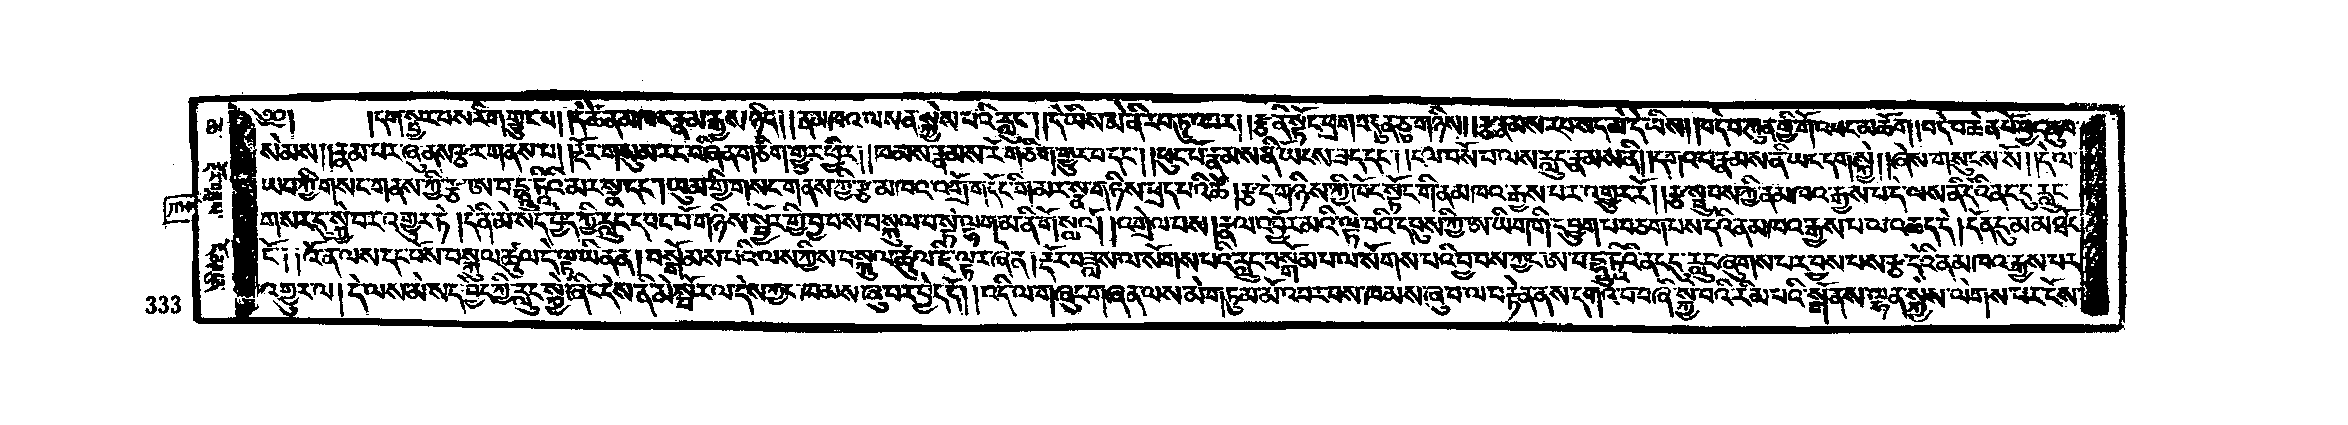༄༅། །དག་སྦྱར་བས་རེག་གྱུར་པ། །དེ་ཚེ་ནམ་མཁར་རྣམ་རྒྱས་ཉིད། །ནམ་མཁའ་ལས་ནི་སྐྱེས་པའི་རླུང་། །དེ་ཡིས་མེ་ནི་རབ་ཏུ་འབར། །རྩ་ནི་སྟོང་ཕྲག་བདུན་ཅུ་གཉིས། །རྩ་རྣམས་རབ་སད་མེ་དེ་ཡིས། །བདེ་བ་ཀུན་གྱི་གོ་འཕང་མཆོག །བདེ་བ་ཆེན་པོ་བྱང་ཆུབ་
སེམས། །རྣམ་པར་ཞུ་ནས་རྩར་གནས་པ། །རྡོར་གསུམ་རང་བཞིན་གཅིག་གྱུར་ཕྱིར། །ཁམས་རྣམས་རོ་གཅིག་གྱུར་བ་དང་། །ཕུང་པོ་རྣམས་ནི་ཡོངས་ཟད་དང་། །ངལ་བསོ་བ་ལས་རླུང་རྣམས་ནི། །དགའ་བ་རྣམས་ནི་ཡང་དག་སྐྱེ། །ཞེས་གསུངས་སོ། །དེ་ལ་
ཡབ་ཀྱི་གསང་གནས་ཀྱི་རྩ་ཨ་བ་དྷཱུ་ཏཱིའི་མར་སྣ་དང་། ཡུམ་གྱི་གསང་གནས་ཀྱི་རྩ་མཁའ་འགྲོ་གདོང་གི་མར་སྣ་གཉིས་ཕྲད་པའི་ཚེ། རྩ་དེ་གཉིས་ཀྱི་ཁོང་སྟོང་གི་ནམ་མཁའ་རྒྱས་པར་འགྱུར་རོ། །རྩ་སྦུབས་ཀྱི་ནམ་མཁའ་རྒྱས་པ་དེ་ལས་ནི་དེའི་ནང་དུ་རླུང་
གསར་དུ་སྐྱེ་བར་འགྱུར་ཏེ། དེ་ནི་མེ་སད་བྱེད་ཀྱི་རླུང་དབང་པོ་གཉིས་སྦྱོར་གྱི་བྱ་བས་བསྐུལ་བ་སྟེ་ལྷག་མ་ནི་གོ་སླའོ། །འགྲེལ་པས། རྣལ་འབྱོར་མའི་ལྟེ་བའི་དབུས་ཀྱི་ཨ་ཡིག་གི་དབྱུག་པ་བཅག་པས་དེའི་ནམ་མཁའ་རྒྱས་པ་ལ་འཆད་དོ། དོན་དུ་མ་མཐོང་
ངོ། །འོ་ན་ལས་དང་པོས་བསྐུལ་ཚུལ་དེ་ལྟ་ཡིན་ན། བསྒོམས་པའི་ལས་ཀྱིས་བསྐུལ་ཚུལ་ཇི་ལྟར་ཞེ་ན། རྡོར་བཟླས་ལ་སོགས་པའི་རླུང་བསྒོམ་པ་ལ་སོགས་པའི་བྱ་བས་ཀྱང་ཨ་བ་དྷཱུ་ཏཱིའི་ནང་དུ་རླུང་ཞུགས་པར་བྱས་པས་རྩ་དེའི་ནམ་མཁའ་རྒྱས་པར་
འགྱུར་ལ། དེ་ལས་མེ་སད་བྱེད་ཀྱི་རླུང་སྐྱེ་ཞིང་དེས་ནི་མེ་སྦོར་ལ་དེས་ཀྱང་ཁམས་ཞུ་བར་བྱེད་དོ། །འདི་ལ་གཞུང་གཞན་ལས་མེ་གཏུམ་མོ་འབར་བས་ཁམས་ཞུ་བ་ལ་བརྟེན་ནས་དགའ་བ་བཞི་སྐྱེ་བའི་རིམ་པའི་སྒོ་ནས་ལྷན་སྐྱེས་ལེགས་པར་ངོས་